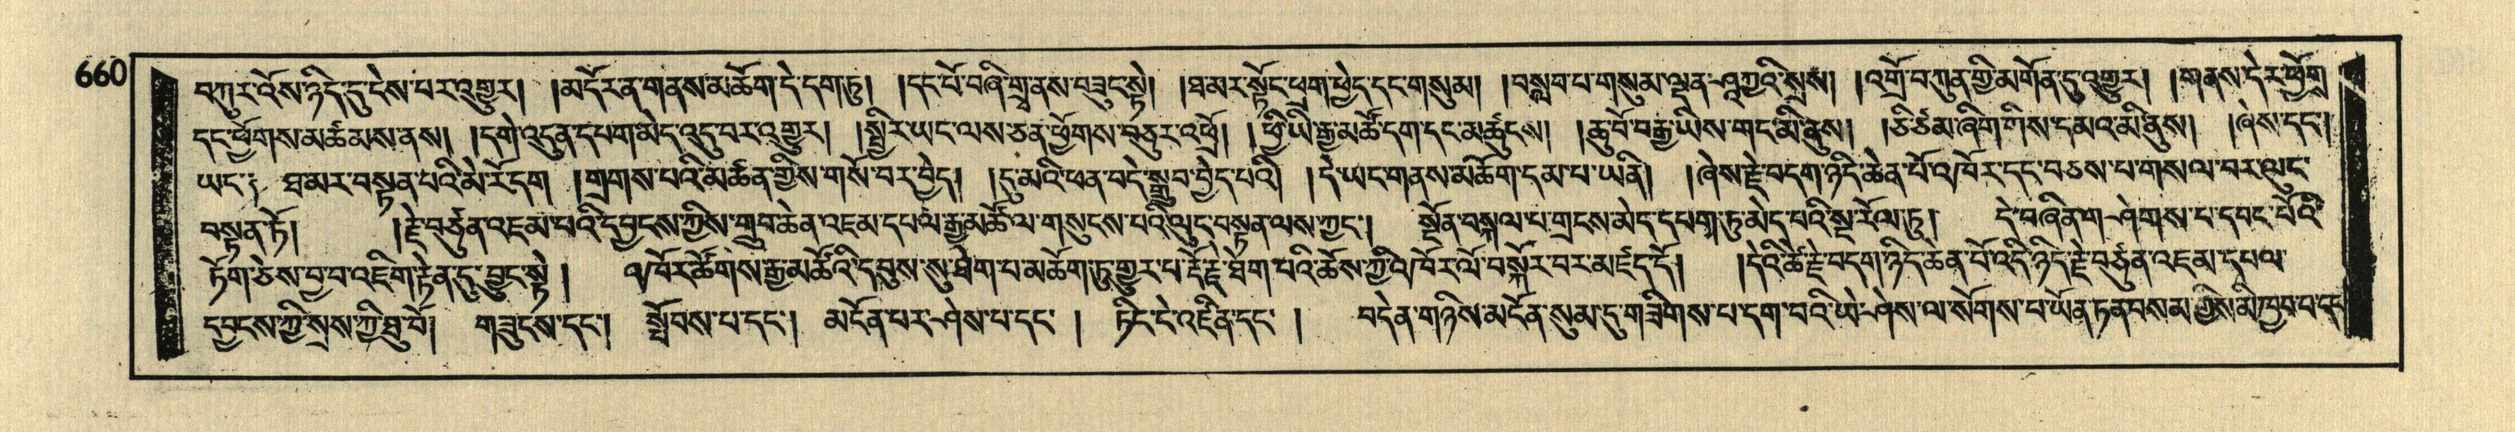བཀུར་འོས་ཉིད་དུ་ངེས་པར་འགྱུར། །མདོར་ན་གནས་མཆོག་དེ་དག་ཏུ། །དང་པོ་བཞི་གྲྭ་ནས་བཟུང་སྟེ། །ཐ་མར་སྟོང་ཕྲག་ཕྱེད་དང་གསུམ། །བསླབ་པ་གསུམ་ལྡན་ཤཱཀྱའི་སྲས། །འགྲོ་བ་ཀུན་གྱི་མགོན་དུ་འགྱུར། །གནས་དེར་ཕྱོགས་
དང་ཕྱོགས་མཚམས་ནས། །དགེ་འདུན་དཔག་མེད་འདུ་བར་འགྱུར། །སྤྱིར་ཡང་ལས་ཅན་ཕྱོགས་བཅུར་འཕྲོ། །ཕྱི་ཡི་རྒྱ་མཚོ་དག་དང་མཚུངས། །ཆུ་བོ་བརྒྱ་ཡིས་གང་མི་ནུས། །ཅི་ཙམ་ཞིག་གིས་དམའ་མི་ནུས། །ཞེས་དང་།
ཡང༑ ཐ་མར་བསྟན་པའི་མེ་རོ་དག །གྲགས་པའི་མཚན་གྱིས་གསོ་བར་བྱེད། །དུ་མའི་ཕན་བདེ་སྒྲུབ་བྱེད་པའི། །དེ་ཡང་གནས་མཆོག་དམ་པ་ཡིན། །ཞེས་རྗེ་བདག་ཉིད་ཆེན་པོ་འཁོར་དང་བཅས་པ་གསལ་བར་ལུང་
བསྟན་ཏོ། །རྗེ་བཙུན་འཇམ་པའི་དབྱངས་ཀྱིས་གྲུབ་ཆེན་འཇམ་དཔལ་རྒྱ་མཚོ་ལ་གསུངས་པའི་ལུང་བསྟན་ལས་ཀྱང་། སྔོན་བསྐལ་པ་གྲངས་མེད་དཔག་ཏུ་མེད་པའི་སྔ་རོལ་ཏུ། དེ་བཞིན་གཤེགས་པ་དབང་པོའི་
ཏོག་ཅེས་བྱ་བ་འཇིག་རྟེན་དུ་བྱུང་སྟེ། འཁོར་ཚོགས་རྒྱ་མཚོའི་དབུས་སུ་ཐེག་པ་མཆོག་ཏུ་གྱུར་པ་རྡོ་རྗེ་ཐེག་པའི་ཆོས་ཀྱི་འཁོར་ལོ་བསྐོར་བར་མཛད་དོ། །དེའི་ཚེ་རྗེ་བདག་ཉིད་ཆེན་པོ་འདི་ཉིད་རྗེ་བཙུན་འཇམ་དཔལ་
དབྱངས་ཀྱི་སྲས་ཀྱི་ཐུ་བོ། གཟུངས་དང་། སྤོབས་པ་དང་། མངོན་པར་ཤེས་པ་དང་། ཏིང་ངེ་འཛིན་དང་། བདེན་གཉིས་མངོན་སུམ་དུ་གཟིགས་པ་དག་བའི་ཡེ་ཤེས་ལ་སོགས་པ་ཡོན་ཏན་བསམ་གྱིས་མི་ཁྱབ་བ་དང་